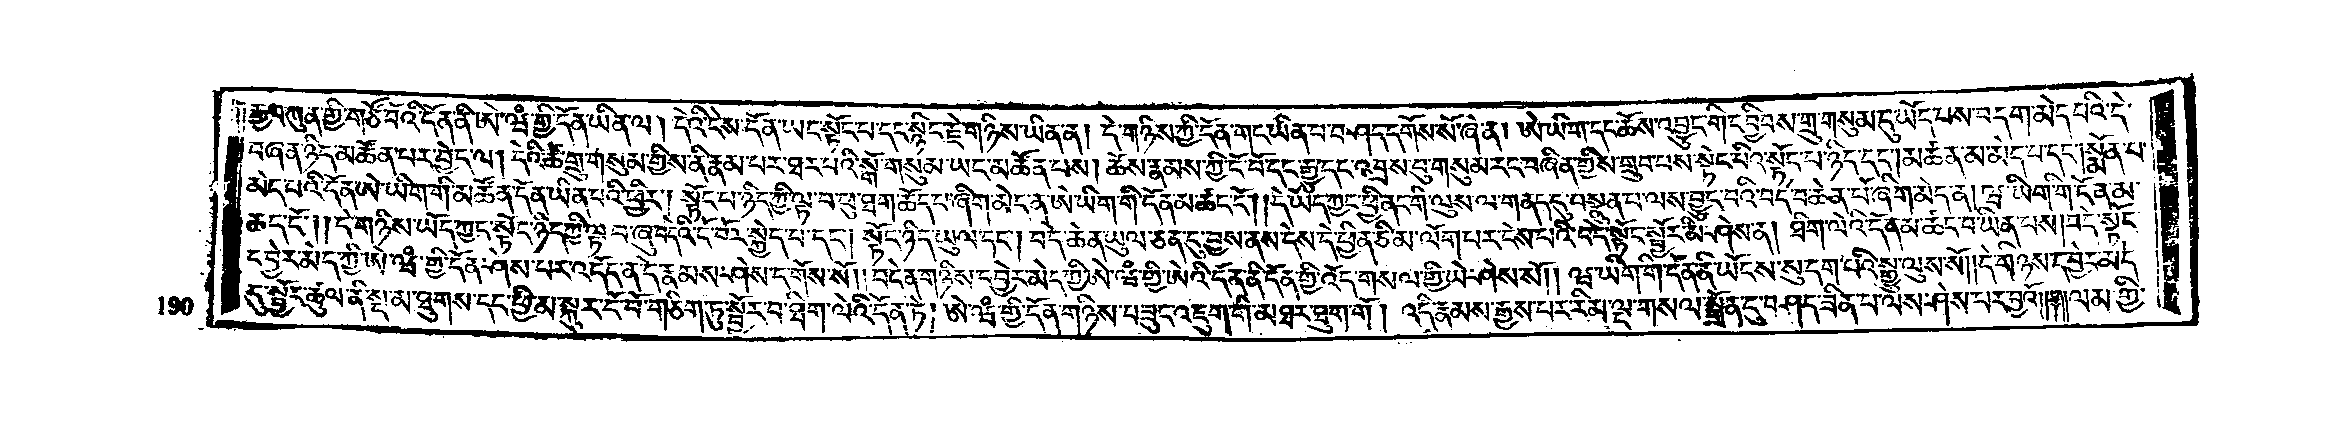རྒྱུད་ཀུན་གྱི་གཙོ་བོའི་དོན་ནི་ཨེ་ཝཾ་གྱི་དོན་ཡིན་ལ། དེའི་ངེས་དོན་ཡང་སྟོང་པ་དང་སྙིང་རྗེ་གཉིས་ཡིན་ན། དེ་གཉིས་ཀྱི་དོན་གང་ཡིན་པ་བཤད་དགོས་སོ་ཞེ་ན། ཨེ་ཡིག་དང་ཆོས་འབྱུང་གི་དབྱིབས་གྲུ་གསུམ་དུ་ཡོད་པས་བདག་མེད་པའི་དེ་
བཞིན་ཉིད་མཚོན་པར་བྱེད་ལ། དེའི་ཚེ་གྲུ་གསུམ་གྱིས་ནི་རྣམ་པར་ཐར་པའི་སྒོ་གསུམ་ཡང་མཚོན་པས། ཆོས་རྣམས་ཀྱི་ངོ་བོ་དང་རྒྱུ་དང་འབྲས་བུ་གསུམ་རང་བཞིན་གྱིས་གྲུབ་པས་སྟོང་པའི་སྟོང་པ་ཉིད་དང་། མཚན་མ་མེད་པ་དང་། སྨོན་པ་
མེད་པའི་དོན་ཨེ་ཡིག་གི་མཚོན་དོན་ཡིན་པའི་ཕྱིར། སྟོང་པ་ཉིད་ཀྱི་ལྟ་བ་ཕུ་ཐག་ཆོད་པ་ཞིག་མེད་ན་ཨེ་ཡིག་གི་དོན་མ་ཚང་ངོ། །དེ་ཡོད་ཀྱང་ཕྱི་ནང་གི་ལུས་ལ་གནད་དུ་བསྣུན་པ་ལས་བྱུང་བའི་བདེ་བ་ཆེན་པོ་ཞིག་མེད་ན། ཝ་ཡིག་གི་དོན་མ་
ཆད་ངོ། །དེ་གཉིས་ཡོད་ཀྱང་སྟོང་ཉིད་ཀྱི་ལྟ་བ་ཞུ་བདེའི་ངོ་བོར་སྐྱེད་པ་དང་། སྟོང་ཉིད་ཡུལ་དང་། བདེ་ཆེན་ཡུལ་ཅན་དུ་བྱས་ནས་དེས་དེ་ཕྱིན་ཅི་མ་ལོག་པར་ངེས་པའི་བདེ་སྟོང་སྦྱོར་མི་ཤེས་ན། ཐིག་ལེའི་དོན་མ་ཚང་བ་ཡིན་པས། བདེ་སྟོང་
དབྱེར་མེད་ཀྱི་ཨེ་ཝཾ་གྱི་དོན་ཤེས་པར་འདོད་ན་དེ་རྣམས་ཤེས་དགོས་སོ། །བདེན་གཉིས་དབྱེར་མེད་ཀྱི་ཨེ་ཝཾ་གྱི་ཨེའི་དོན་ནི་དོན་གྱི་འོད་གསལ་གྱི་ཡེ་ཤེས་སོ། །ཝ་ཡིག་གི་དོན་ནི་ཡོངས་སུ་དག་པའི་སྒྱུ་ལུས་སོ། །དེ་གཉིས་དབྱེར་མེད་
དུ་སྦྱོར་ཚུལ་ནི་སྔ་མ་ཐུགས་དང་ཕྱི་མ་སྐུར་ངོ་བོ་གཅིག་ཏུ་སྦྱོར་བ་ཐིག་ལེའི་དོན་ཏེ། ཨེ་ཝཾ་གྱི་དོན་གཉིས་བཟུང་འཇུག་གི་མཐར་ཐུག་གོ །འདི་རྣམས་རྒྱས་པར་རིམ་ལྔ་གསལ་སྒྲོན་དུ་བཤད་ཟིན་པ་ལས་ཤེས་པར་བྱའོ།། ༈ །།ལམ་གྱི་